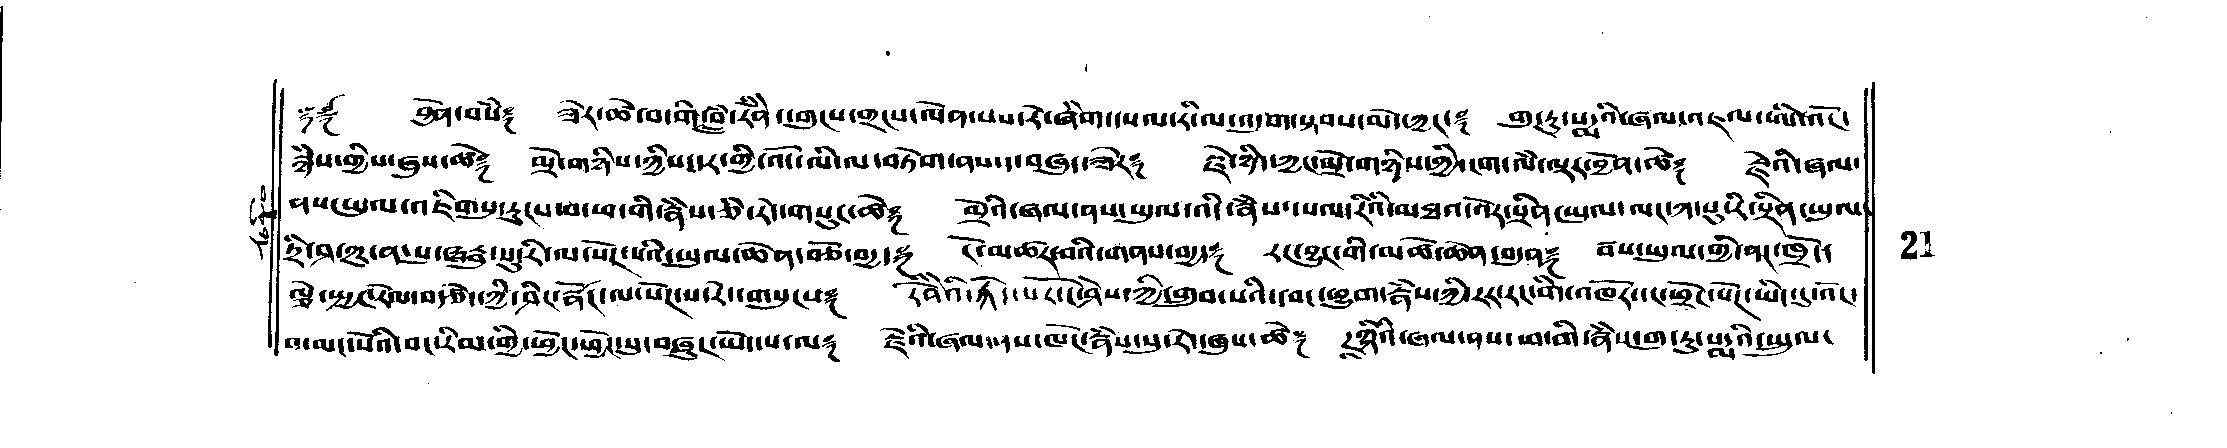བྱོན་བསམ། །ཟེར་ཚེ་བདག་གི་བླ་མ་རིན་པོ་ཆེ་དགུང་གྲངས་ལོན་པས་རེ་ཞིག་དཔལ་རི་ལ་འདུག་སྟབས་མེད་ཀྱང་། གུ་རུ་པདྨའི་ཞལ་མཇལ་ཨི་འོང་
སྙམ་གྱིས་ཞུས་ཚེ། མཁའ་འགྲོ་གཉིས་ཀྱིས་དར་གྱི་འདོ་ལི་ལ་བཏེགས་ནས་ད་བཞུད་ཟེར། རྗེ་ཉིད་ཀྱང་མཁའ་འགྲོ་གཉིས་ཀྱི་ངག་ལམ་ལྟར་བྱོན་ཚེ། རྗེའི་ཞལ་
ནས་ཡུལ་འཇིགས་སུ་རུང་བ་ཕ་གི་རྣམས་ཅི་རེད་གསུང་ཚེ། མཁའ་འགྲོའི་ཞལ་ནས་ཡུལ་འདི་རྣམས་དཔལ་རིའི་མཐའ་འཁོར་སྲིན་ཡུལ་ལང་ཀ་པུ་རི་སྲིན་ཡུལ་
ཏྲི་ཤ་ཀུ་ན་སུ་ཝརྦུ་པུ་རི་ལ་སོགས་པའི་ཡུལ་ཆེན་བཅོ་བརྒྱད། ངོ་མཚར་བའི་གནས་བརྒྱད། རང་བྱུང་གི་མཚོ་ཆེན་བདུན། སྦས་ཡུལ་གྱི་ནགས་ཁྲོད
ལྕེ་སྤྱང་རོལ་རྩེད་ཀྱི་ཤིང་སྣ་ཚོགས་ལ་སོགས་པར་རེད་གསུངས། རིན་བོ་ཆེའི་རྐེད་པར་ངོ་ཤེས་ཀྱི་གྲུབ་པའི་དབང་ཕྱུག་རྣམས་ཀྱི་རང་རང་གི་འཁོར་དང་ཕོ་བྲང་སོགས་ཡིད་དུ་འོང་
བ་མང་པོའི་བང་རིམ་གྱི་ཕྱོགས་ཕྱོགས་སུ་བཞུགས་ཡོད་པ་ལ། རྗེའི་ཞལ་ནས་ཁོང་རྣམས་སུ་རེད་ཞུས་ཚེ། ཌཱཀྐིའི་ཞལ་ནས་ཕ་གི་རྣམས་གུ་རུ་པདྨའི་སྤྲུལ་